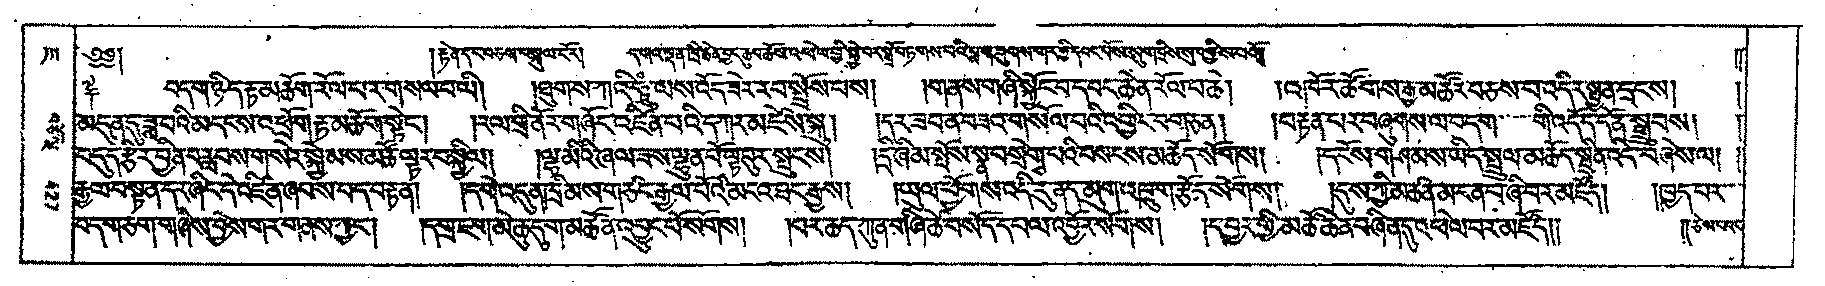༄༅། །རྟེན་དང་བཅས་བསྐུལ་ངོར། དགའ་ལྡན་ཁྲི་ཆེན་བྱང་ཆུབ་ཆོས་འཕེལ་གྱི་སྐྱེ་བར་སྒྲོ་བཏགས་པའི་བླ་གཟུགས་གར་གྱི་དབང་པོས་སུག་བྲིས་སུ་བགྱིས་པའོ།། །།
༈ བདག་ཉིད་རྟ་མཆོག་རོལ་པར་གསལ་བ་ཡི། །ཐུགས་ཀའི་ཧཱུཾ་ལས་འོད་ཟེར་རབ་སྤྲོས་པས། །གནས་གཞི་སྐྱོང་བ་དབང་ཆེན་རོལ་པ་ཆེ། །འཁོར་ཚོགས་རྒྱ་མཚོར་བཅས་པ་འདིར་སྤྱན་དྲངས། །
མདུན་དུ་ཟླ་བའི་མདངས་འཕྲོག་རྟ་མཆོག་སྟེང་། །རལ་གྲི་ནོར་གཞོང་འཛིན་པའི་དཀར་མཛེས་སྐུ། །དར་ཟབ་ན་བཟའ་གསོལ་བའི་འགྱིང་བག་ཅན། །བརྟན་པར་བཞུགས་ལ་བདག་གི་འདོད་དོན་སྒྲུབས། །
བདུད་རྩིར་བྱིན་བརླབས་གསེར་སྐྱེམས་མཚོ་ལྟར་བསྐྱིལ། །ལྷ་མིའི་ཞལ་ཟས་ལྷུན་པོ་ལྟ་བུར་སྤུངས། །དྲི་ཞིམ་སྤོས་སྣ་བསྲེགས་པའི་བསངས་མཆོད་སོགས། །དངོས་གཤམས་ཡིད་སྤྲུལ་མཆོད་སྤྲིན་འདི་བཞེས་ལ། །
རྒྱལ་བསྟན་དར་ཞིང་དེ་འཛིན་ཞབས་པད་བརྟན། །དགེ་འདུན་ཁྲིམས་གཙང་རྒྱལ་པོའི་མངའ་ཐང་རྒྱས། །ཡུལ་ཕྱོགས་འདི་རུ་ནད་མུག་འཁྲུག་རྩོད་སོགས། །དུས་ཀྱི་མཚན་མ་ངན་པ་ཞི་བར་མཛོད། །ཁྱད་པར་
བདག་ཅག་གཞིས་བྱེས་གར་གནས་ཀྱང་། །དགྲ་ཇག་མེ་ཆུ་དུག་མཚོན་འབྱུང་པོ་སོགས། །བར་ཆད་ཀུན་གཞི་ཚེ་བསོད་དཔལ་འབྱོར་སོགས། །དབྱར་གྱི་མཚོ་ཆེན་བཞིན་དུ་འཕེལ་བར་མཛོད།། །།ཅེས་པའང་